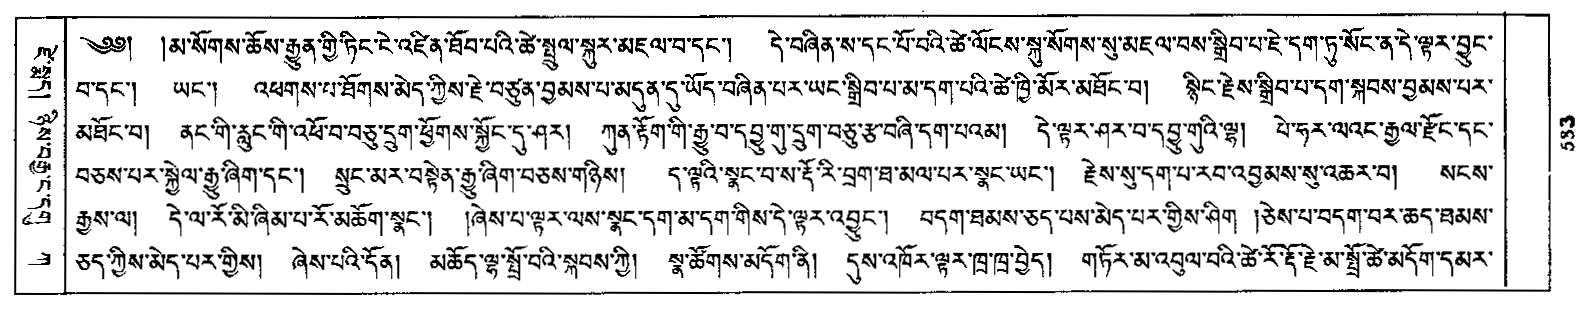༄༅། །མ་སོགས་ཆོས་རྒྱུན་གྱི་ཏིང་ངེ་འཛིན་ཐོབ་པའི་ཚེ་སྤྲུལ་སྐུར་མཇལ་བ་དང་། དེ་བཞིན་ས་དང་པོ་བའི་ཚེ་ལོངས་སྐུ་སོགས་སུ་མཇལ་བས་སྒྲིབ་པ་ཇེ་དག་ཏུ་སོང་ན་དེ་ལྟར་བྱུང་
བ་དང་། ཡང་། འཕགས་པ་ཐོགས་མེད་ཀྱིས་རྗེ་བཙུན་བྱམས་པ་མདུན་དུ་ཡོད་བཞིན་པར་ཡང་སྒྲིབ་པ་མ་དག་པའི་ཚེ་ཁྱི་མོར་མཐོང་བ། སྙིང་རྗེས་སྒྲིབ་པ་དག་སྐྱབས་བྱམས་པར་
མཐོང་བ། ནང་གི་རླུང་གི་འཕོ་བ་བཅུ་དྲུག་ཕྱོགས་སྐྱོང་དུ་ཤར། ཀུན་རྟོག་གི་རྒྱུ་བ་དབྱུ་གུ་དྲུག་བཅུ་རྩ་བཞི་དག་པའམ། དེ་ལྟར་ཤར་བ་དབྱུ་གུའི་ལྷ། པེ་ཧར་ལའང་རྒྱལ་རྫོང་དང་
བཅས་པར་སྐྱེལ་རྒྱུ་ཞིག་དང་། སྲུང་མར་བསྟེན་རྒྱུ་ཞིག་བཅས་གཉིས། ད་ལྟའི་སྣང་བ་ས་རྡོ་རི་བྲག་ཐ་མལ་པར་སྣང་ཡང་། རྗེས་སུ་དག་པ་རབ་འབྱམས་སུ་འཆར་བ། སངས་
རྒྱས་ལ། དེ་ལ་རོ་མི་ཞིམ་པ་རོ་མཆོག་སྣང་། །ཞེས་པ་ལྟར་ལས་སྣང་དག་མ་དག་གིས་དེ་ལྟར་འབྱུང་། བདག་ཐམས་ཅད་པས་མེད་པར་གྱིས་ཤིག །ཅེས་པ་བདག་བར་ཆད་ཐམས་
ཅད་ཀྱིས་མེད་པར་གྱིས། ཞེས་པའི་དོན། མཆོད་ལྷ་སྤྲོ་བའི་སྐབས་ཀྱི། སྣ་ཚོགས་མདོག་ནི། དུས་འཁོར་ལྟར་ཁྲ་ཁྲ་བྱེད། གཏོར་མ་འབུལ་བའི་ཚེ་རོ་རྡོ་རྗེ་མ་སྤྲོ་ཚེ་མདོག་དམར་